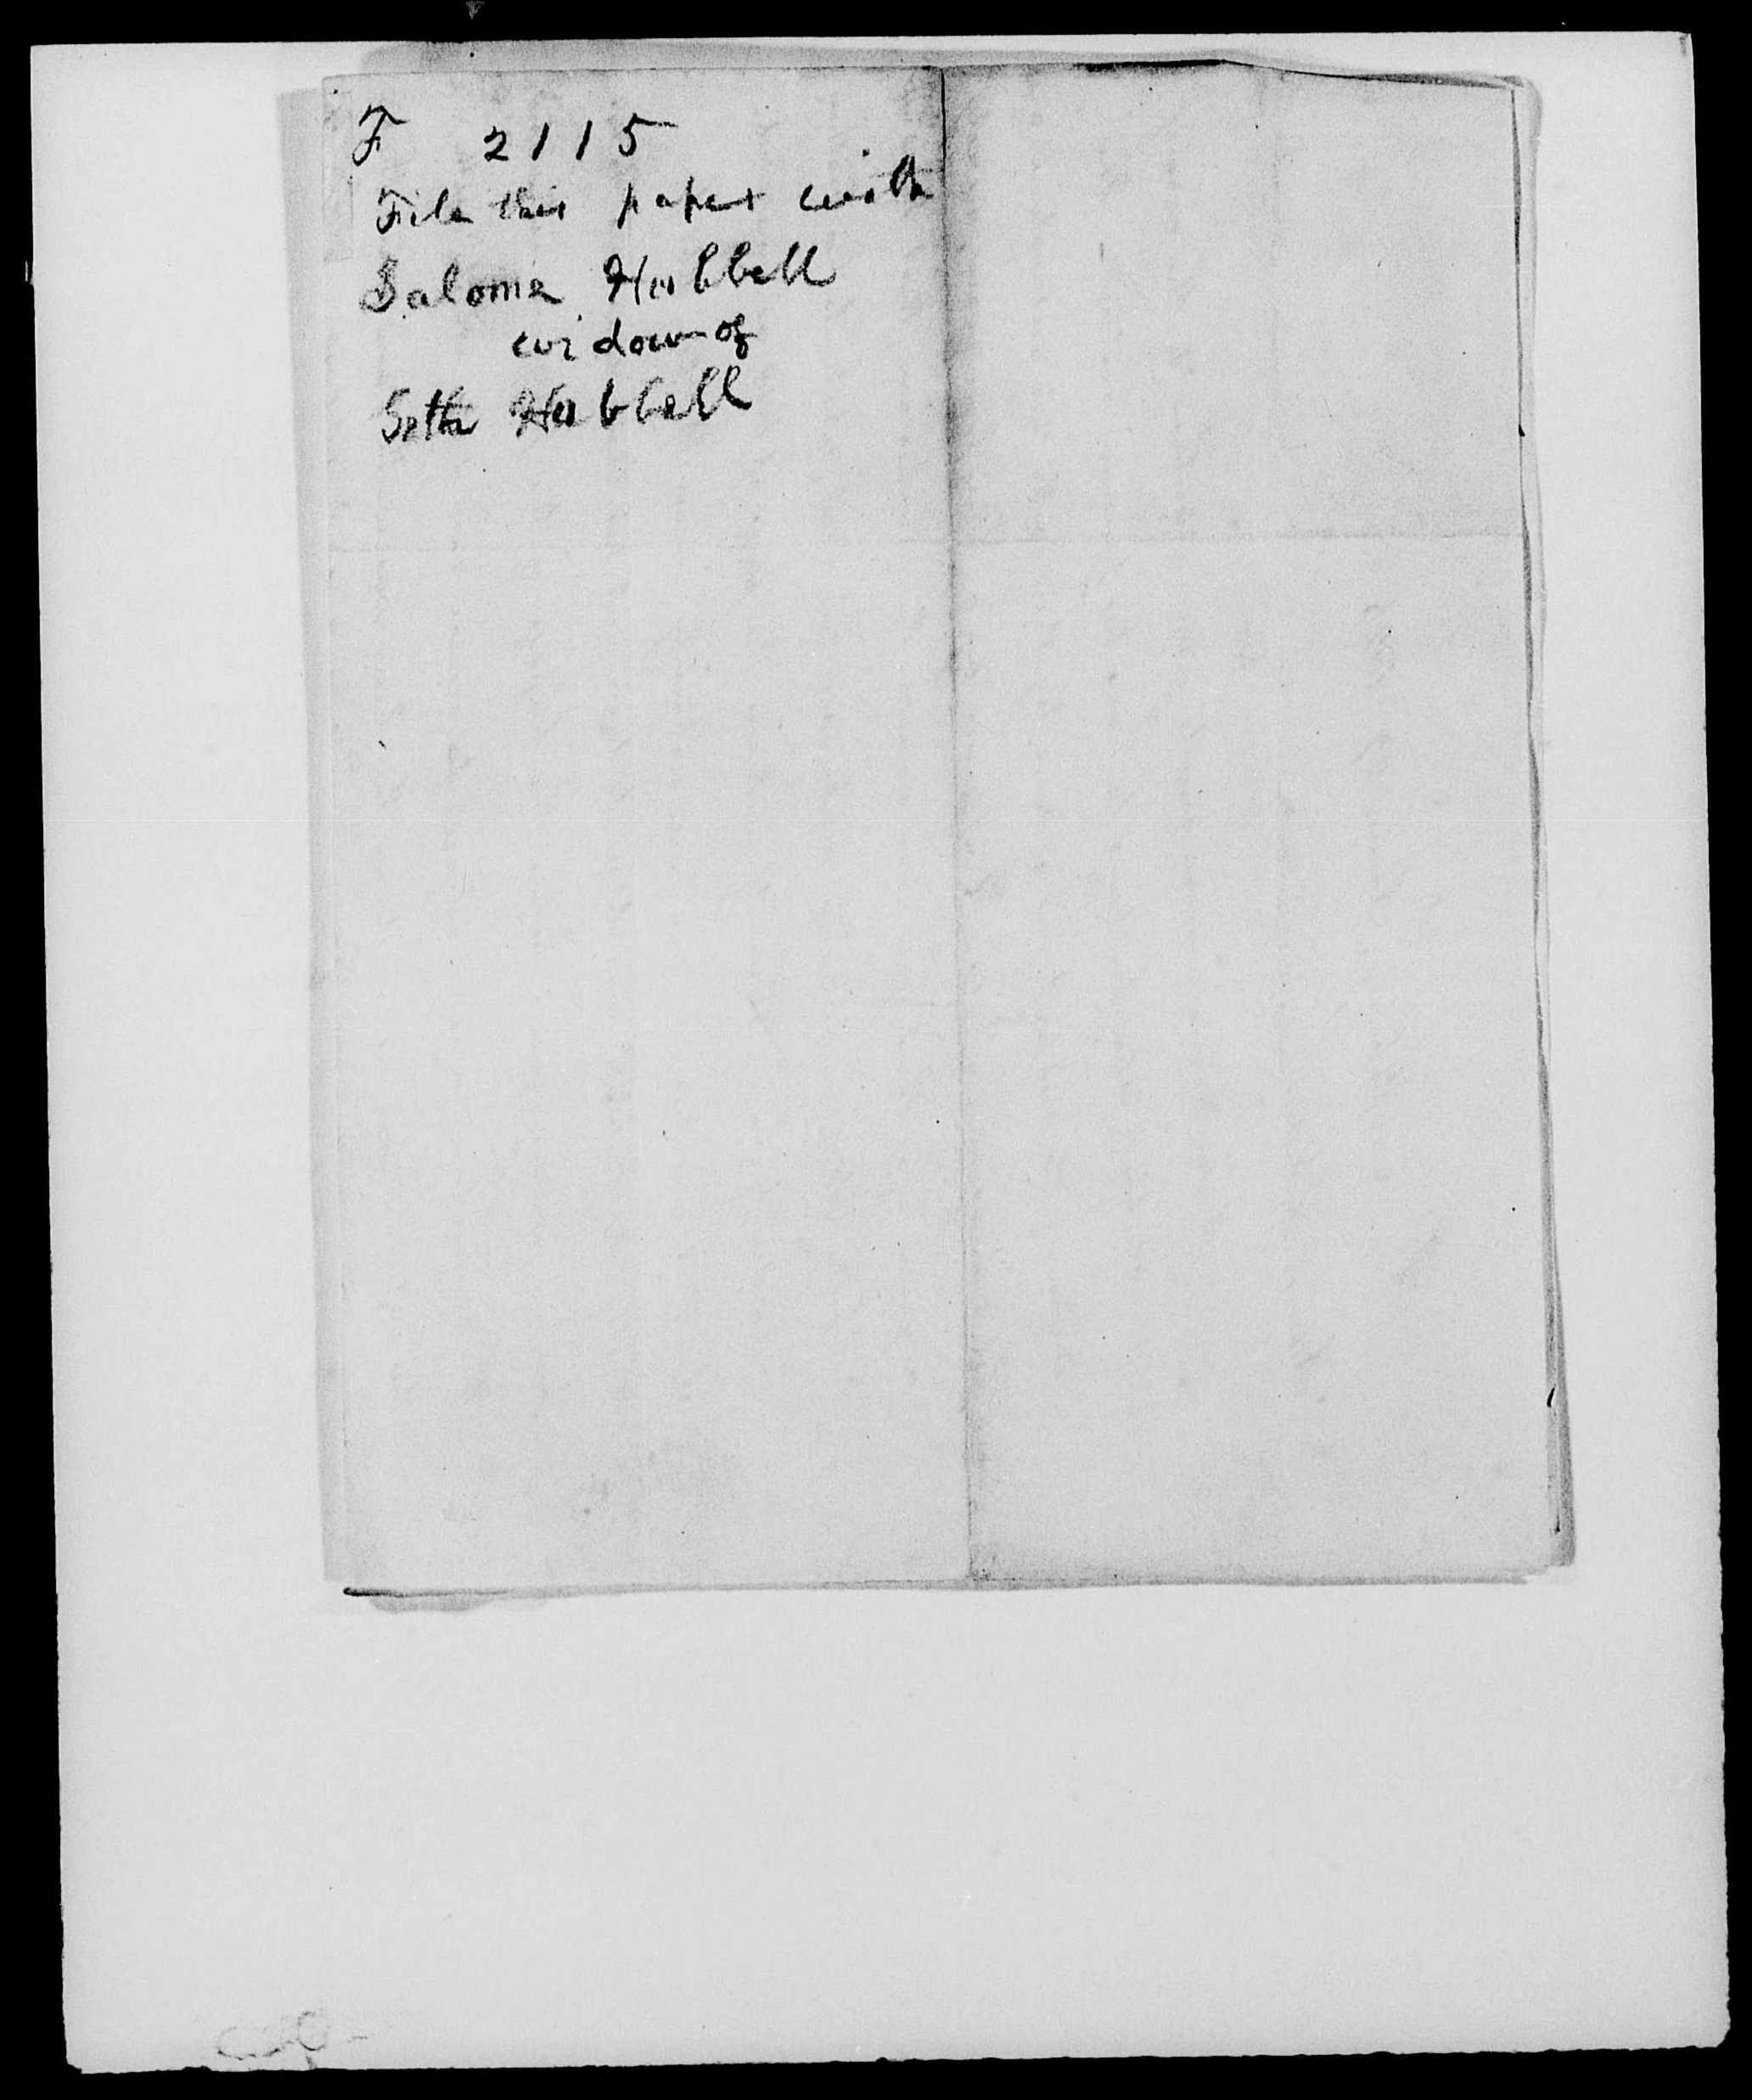F 2115
File this paper with 
Salome Hubbell widow of Seth Hubbell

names: Salome Hubbell, Seth Hubbell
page: 82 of 114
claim: widow's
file: W. 2115, Seth Hubbell, Conn.